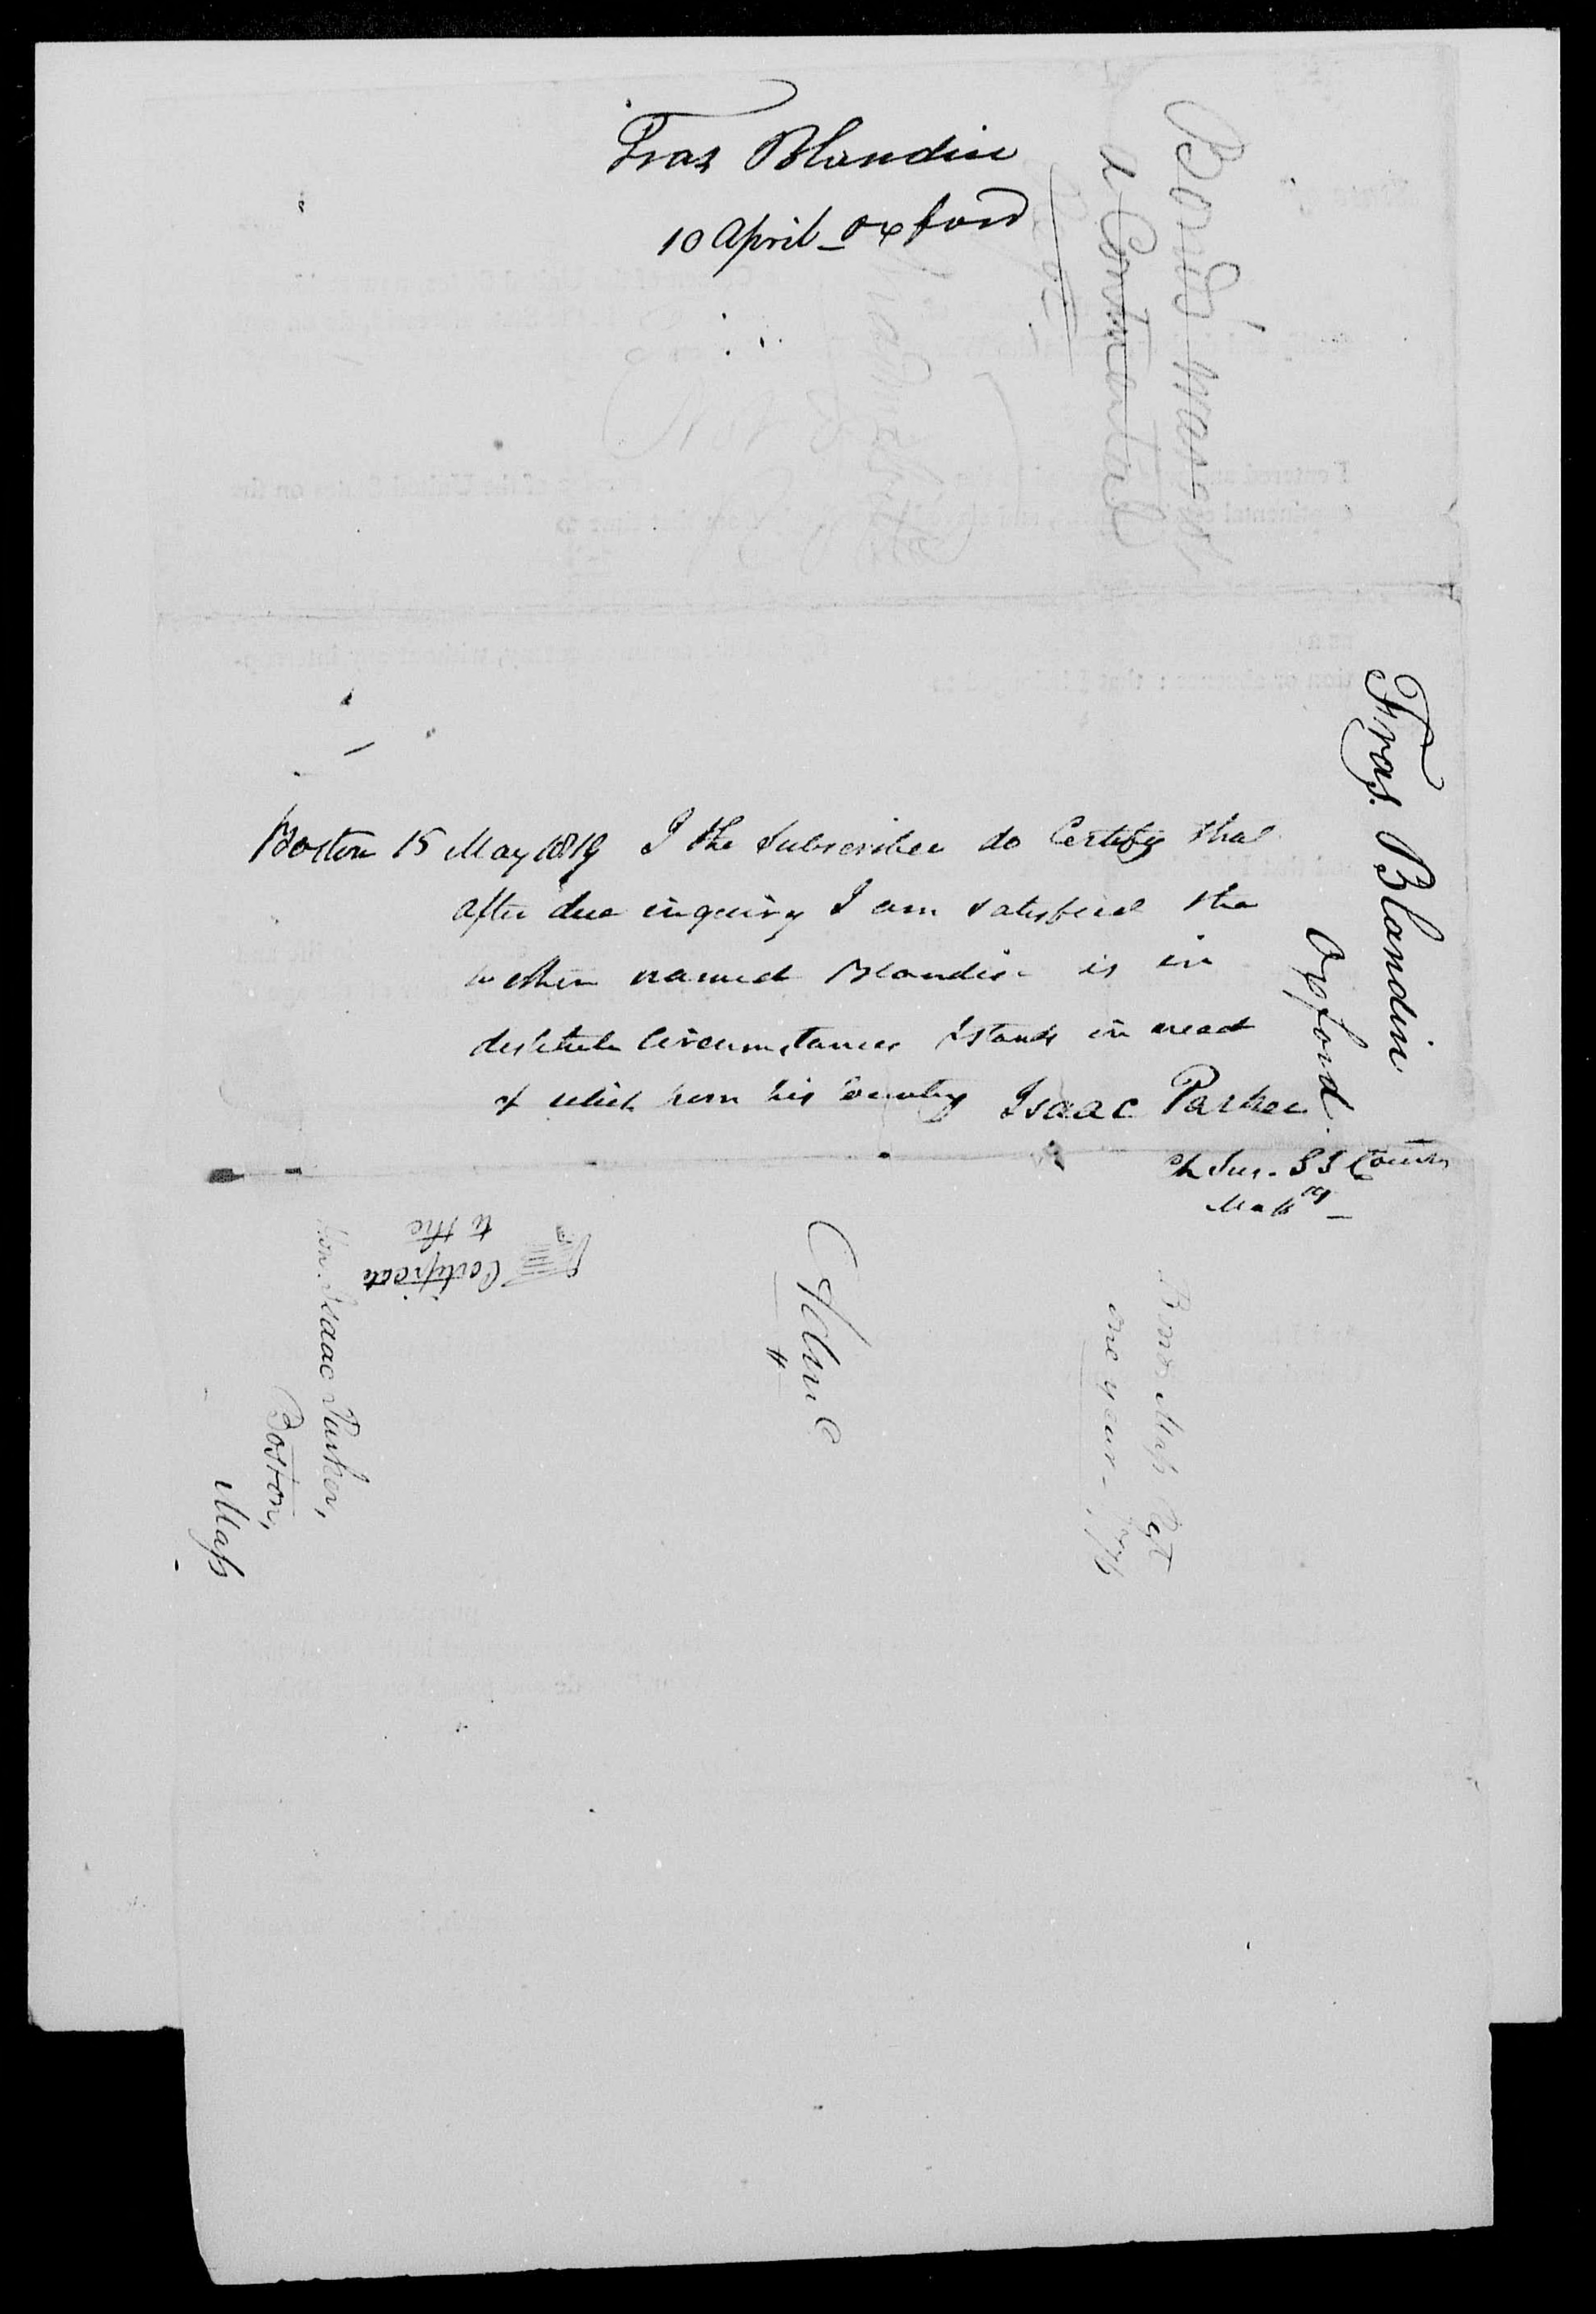Fras Blandin

10 April

Oxford

Bottom 15 May 1819

I the subscriber to certify that after due inquiry I am satisfied the within named Blandin is in destitute circumstances and stands in need of aide from his country.

Isaac Parker

[ ] Court

Hon Isaac Parker,
Boston, Mass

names: Isaac Parker, Fras Blandin, Blandin, Fras Blandin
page: 6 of 14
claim: survivor's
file: S. 34,049, Francis Blandin, Mass.